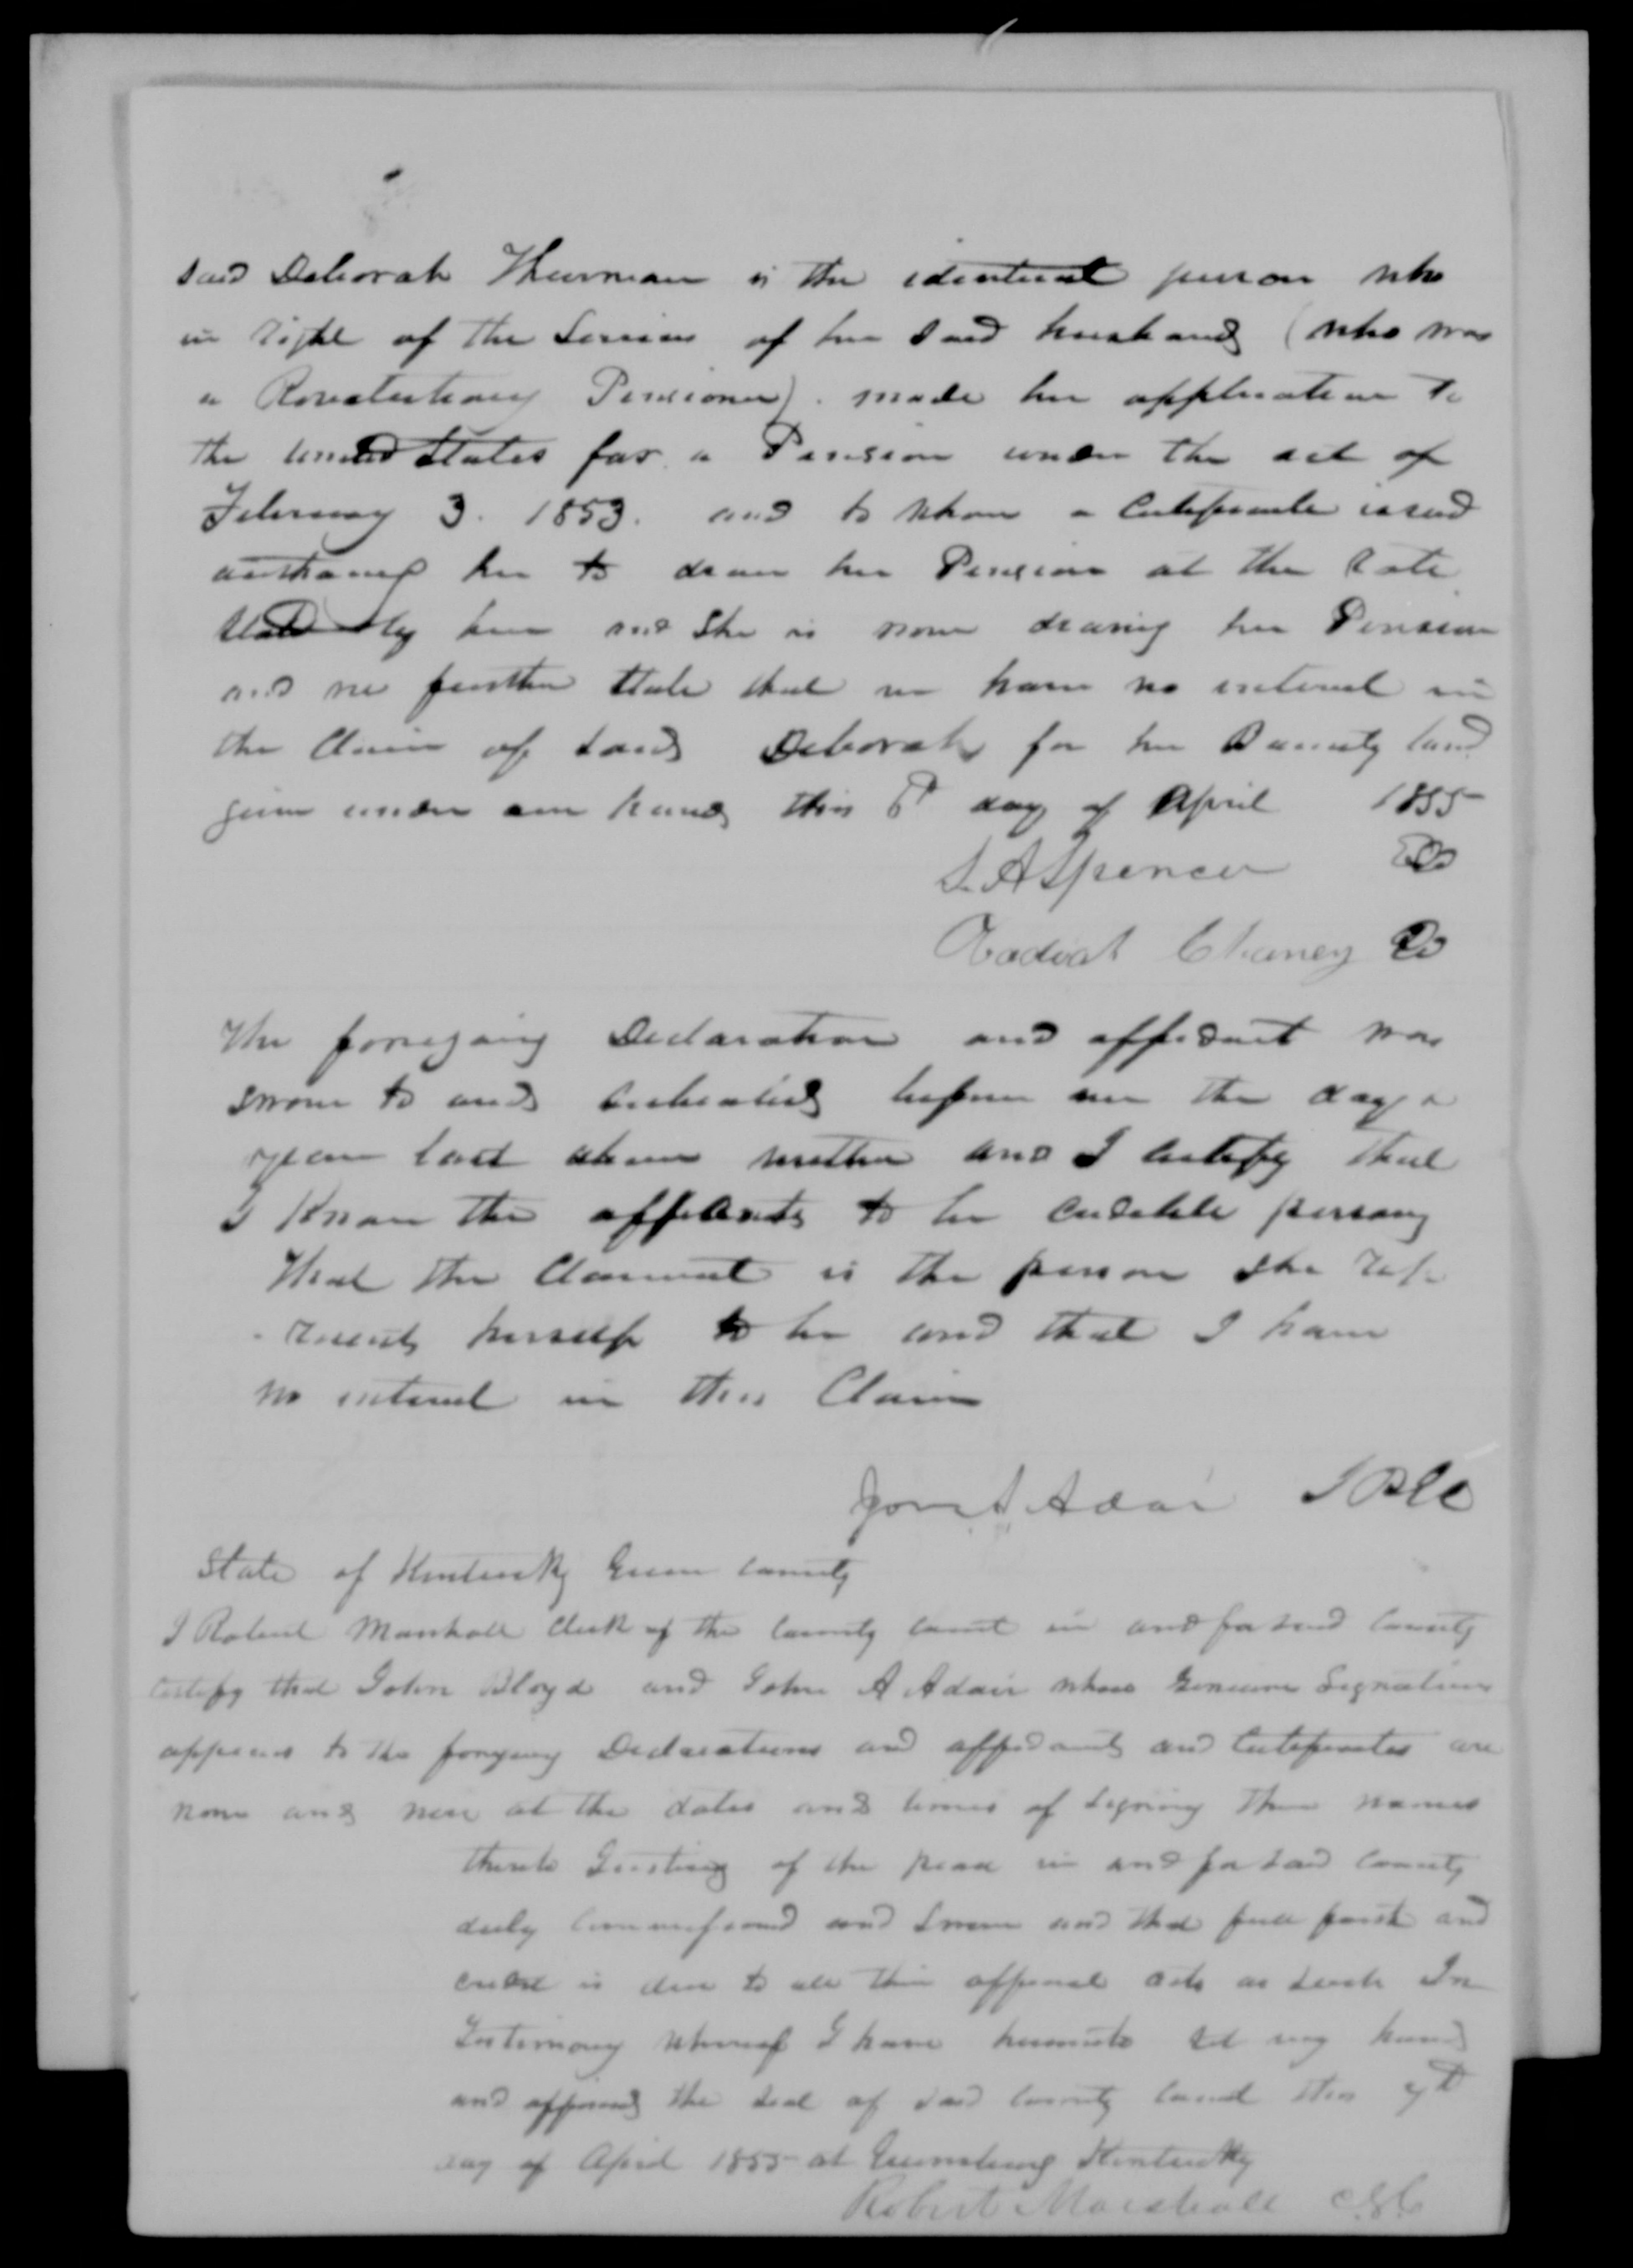said Deborah Thurman is the identical person who in right of the services of her said husband  (who was a Revolutionary Pensioner) made her application to the United States for a Pension under the act of February 3, 1853. and to whom a Certificate issued [illegible] her to draw her Pension at the rate [illegible] here and she is now drawing her Pension and we further state that we have no interest in the claim of said Deborah for her Bounty Land Given under my hand this 6th day of April 1855.  
S. A. Spencer 
Obadiah Chaney  
The foregoing Declaration and affidavit was sworn to and subscribed before me the day & year last shown written and I certify that I know the affiants to be credible persons That the claimant is the person she represents herself to be and that I have no interest in this claim 
John A Adair   JPCC
State of Kentucky Green County  
I  Robert Marshall Clerk of the County Court in and for said County certify that John Bloyd  and John A. Adair whose genuine signatures appear to the foregoing Declaration and affidavits and Certificates are now and were at the dates and times of signing their names thereto Justices of the peace in and for said County duly Commissioned and sworn and that full faith and credit is due to all their official acts as such In testimony whereof I have hereunto set my hand and affixed the seal of said County Court this 7th day of April 1855 at Greensburg  Kentucky. Robert Marshall  C.&C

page: 21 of 53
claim: widow's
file: W. 6,267, for John Thurman, Georgia